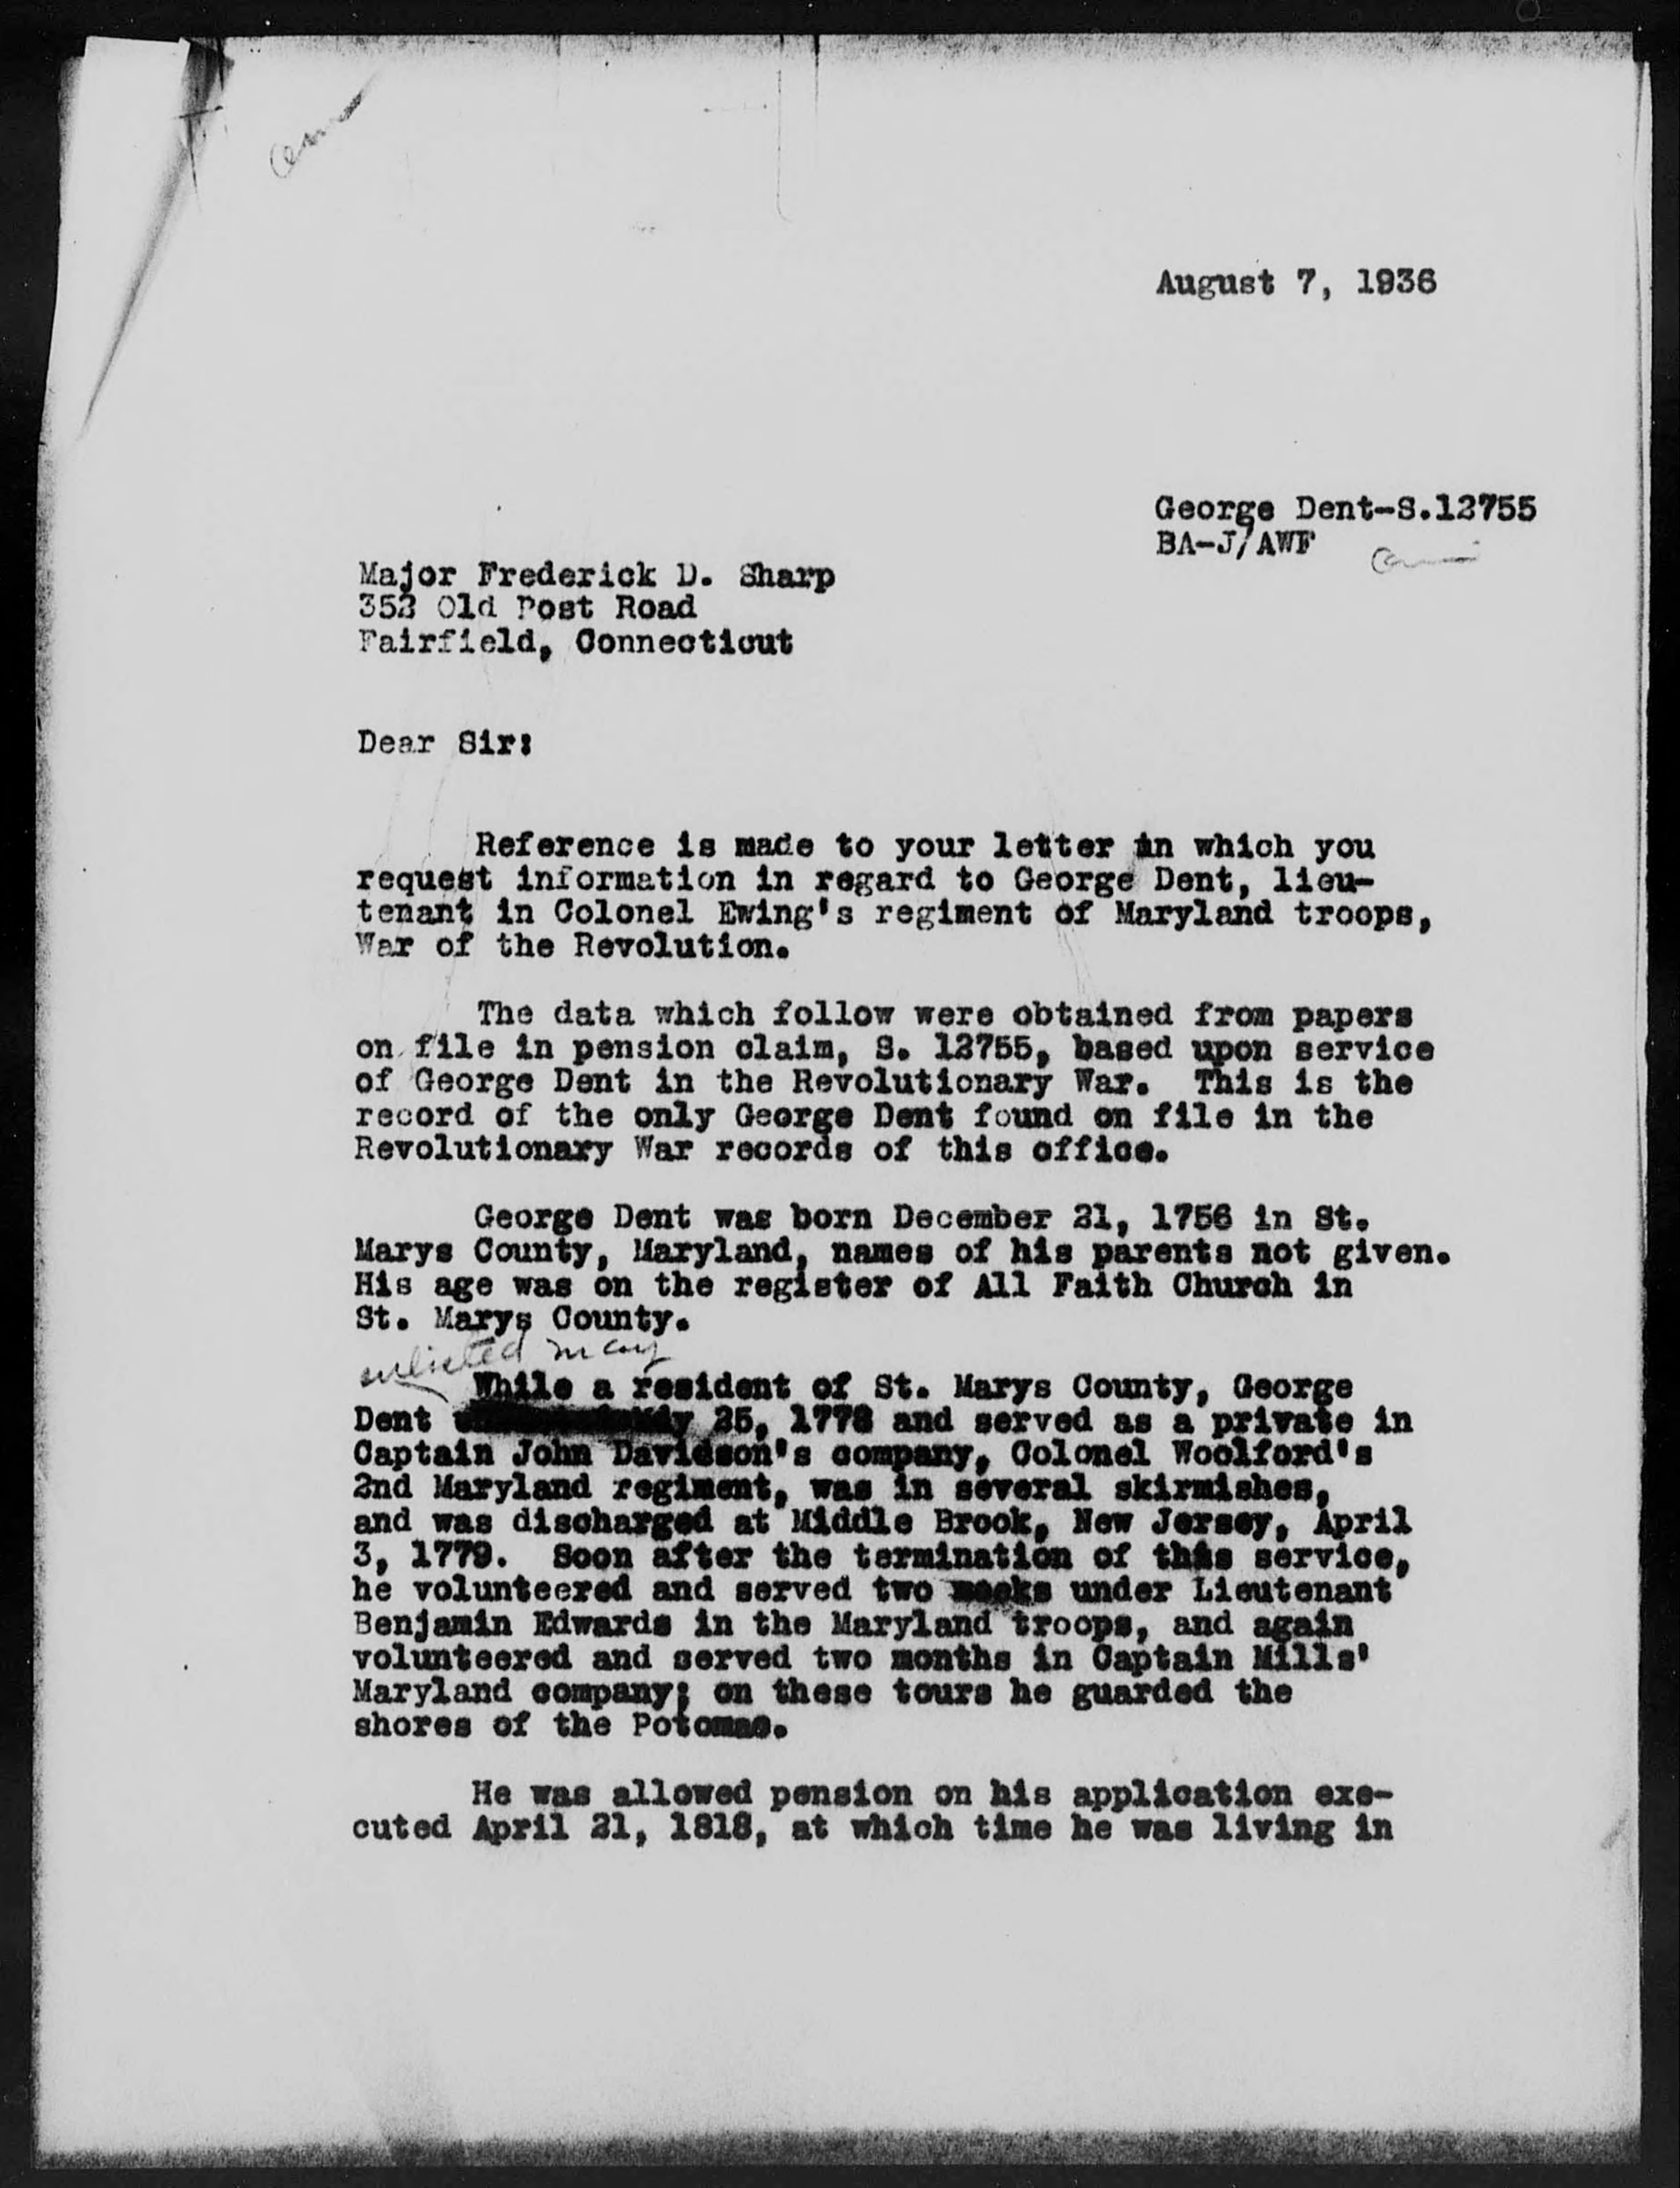August 7, 1938
George Dent-S.12755 BA - J/AWF 
Major Frederick D. Sharp 352 Old Post Road Fairfield, Connecticut 
Dear Sir:
Reference is made to your letter in which you request information in regard to George Dent, lieu tenant in Colonel Ewing's regiment of Maryland troops, War of the Revolution.
The data which follow were obtained from papers on file in pension claim, S.12755, based upon service of George Dent in the Revolutionary War. This is the record of the only George Dent found on file in the Revolutionary War records of this office. George Dent was born December 21, 1756 in St. St. Marys County. it may Dent resident of St. Marys County, Maryland, names of his parents not given. His age was on the register of All Faith Church in St. Marys County.
While a resident of St. Marys County, George Dent enlisted May 25, 1778 and served as a private in Captain John Davison's company, Colonel Woolford's 2nd Maryland regiment, was in several skirmishes, and was discharged at Middle Brook, New Jersey, April 3, 1779. Soon after the termination of this service, he volunteered and served two weeks under Lieutenant Benjamin Edwards in the Maryland troops, and again volunteered and served two months in Captain Mills' Maryland company; on these tours he guarded the shores of the Potomac.
He was allowed pension on his application executed April 21, 1818, at which time he was living in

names: George Dent, George Dent, George Dent, Benjamin Edwards, George Dent, George Dent, Frederick D Sharp, George Dent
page: 15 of 49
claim: survivor's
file: S. 12755, George Dent, Md.